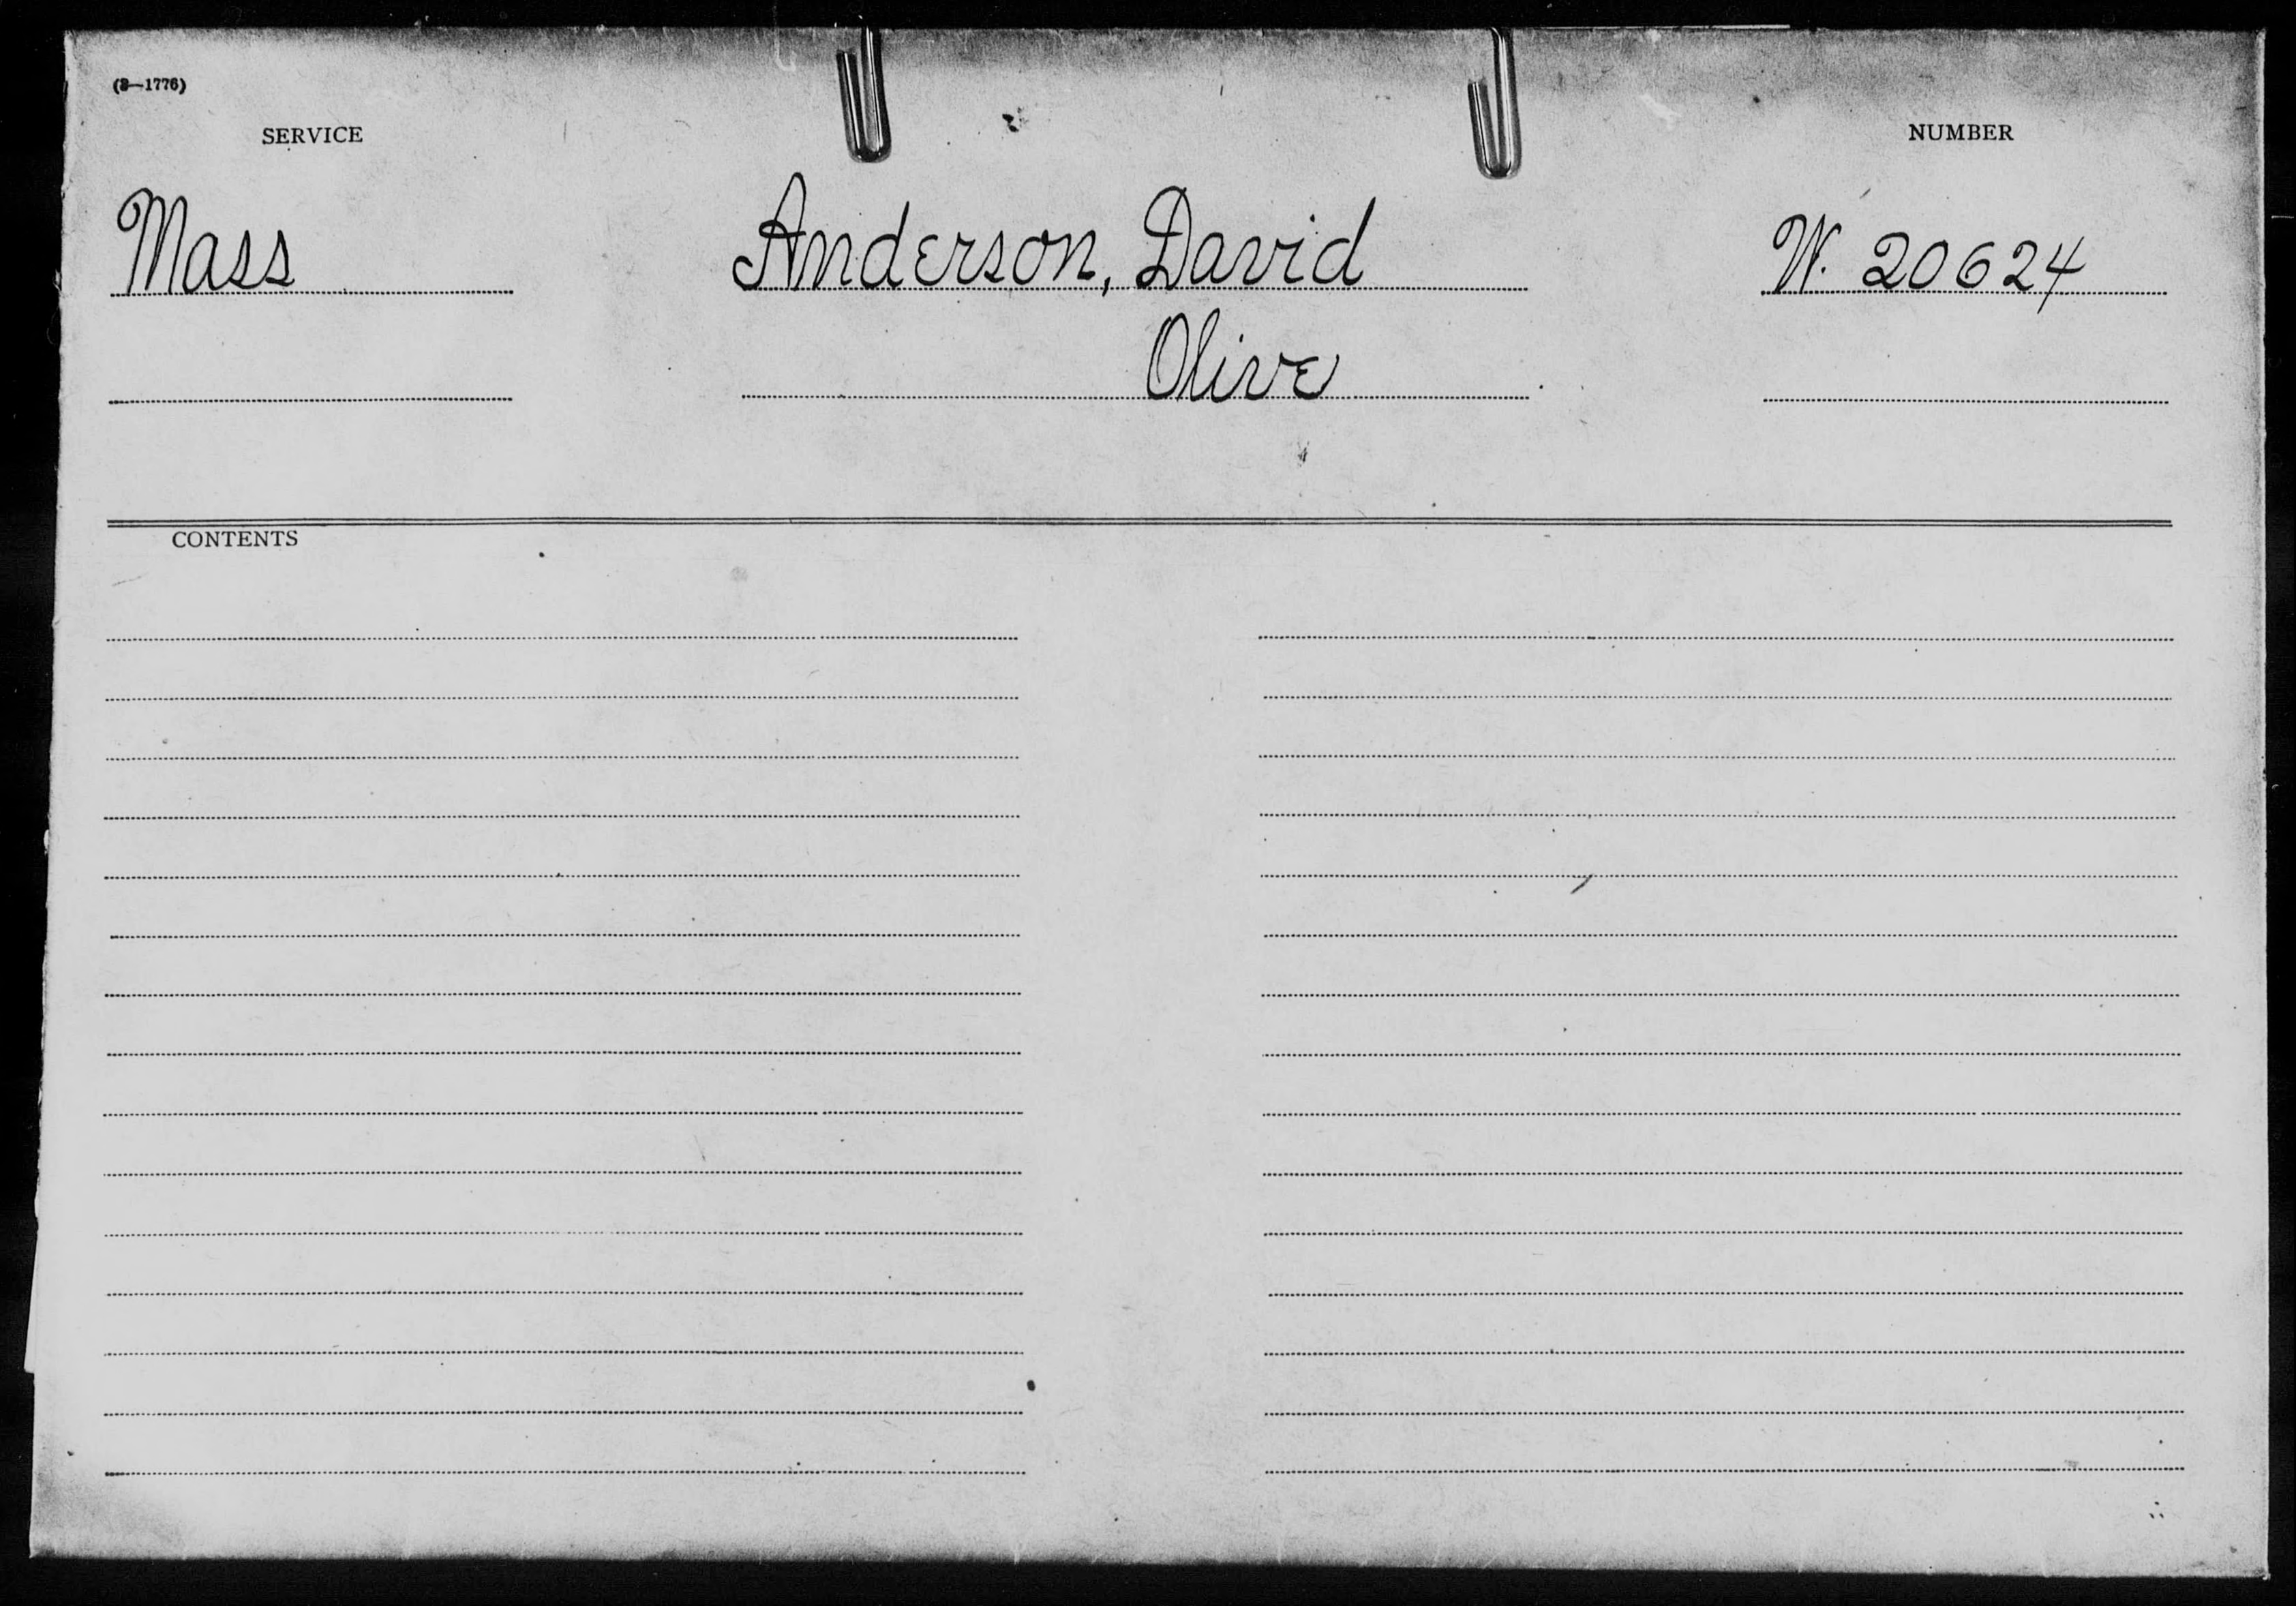(3 - 1776)
SERVICE                          NUMBER
Mass   Anderson, David   W. 20624
Olive
CONTENTS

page: 1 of 39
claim: widow's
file: W. 20624, David Anderson, Mass